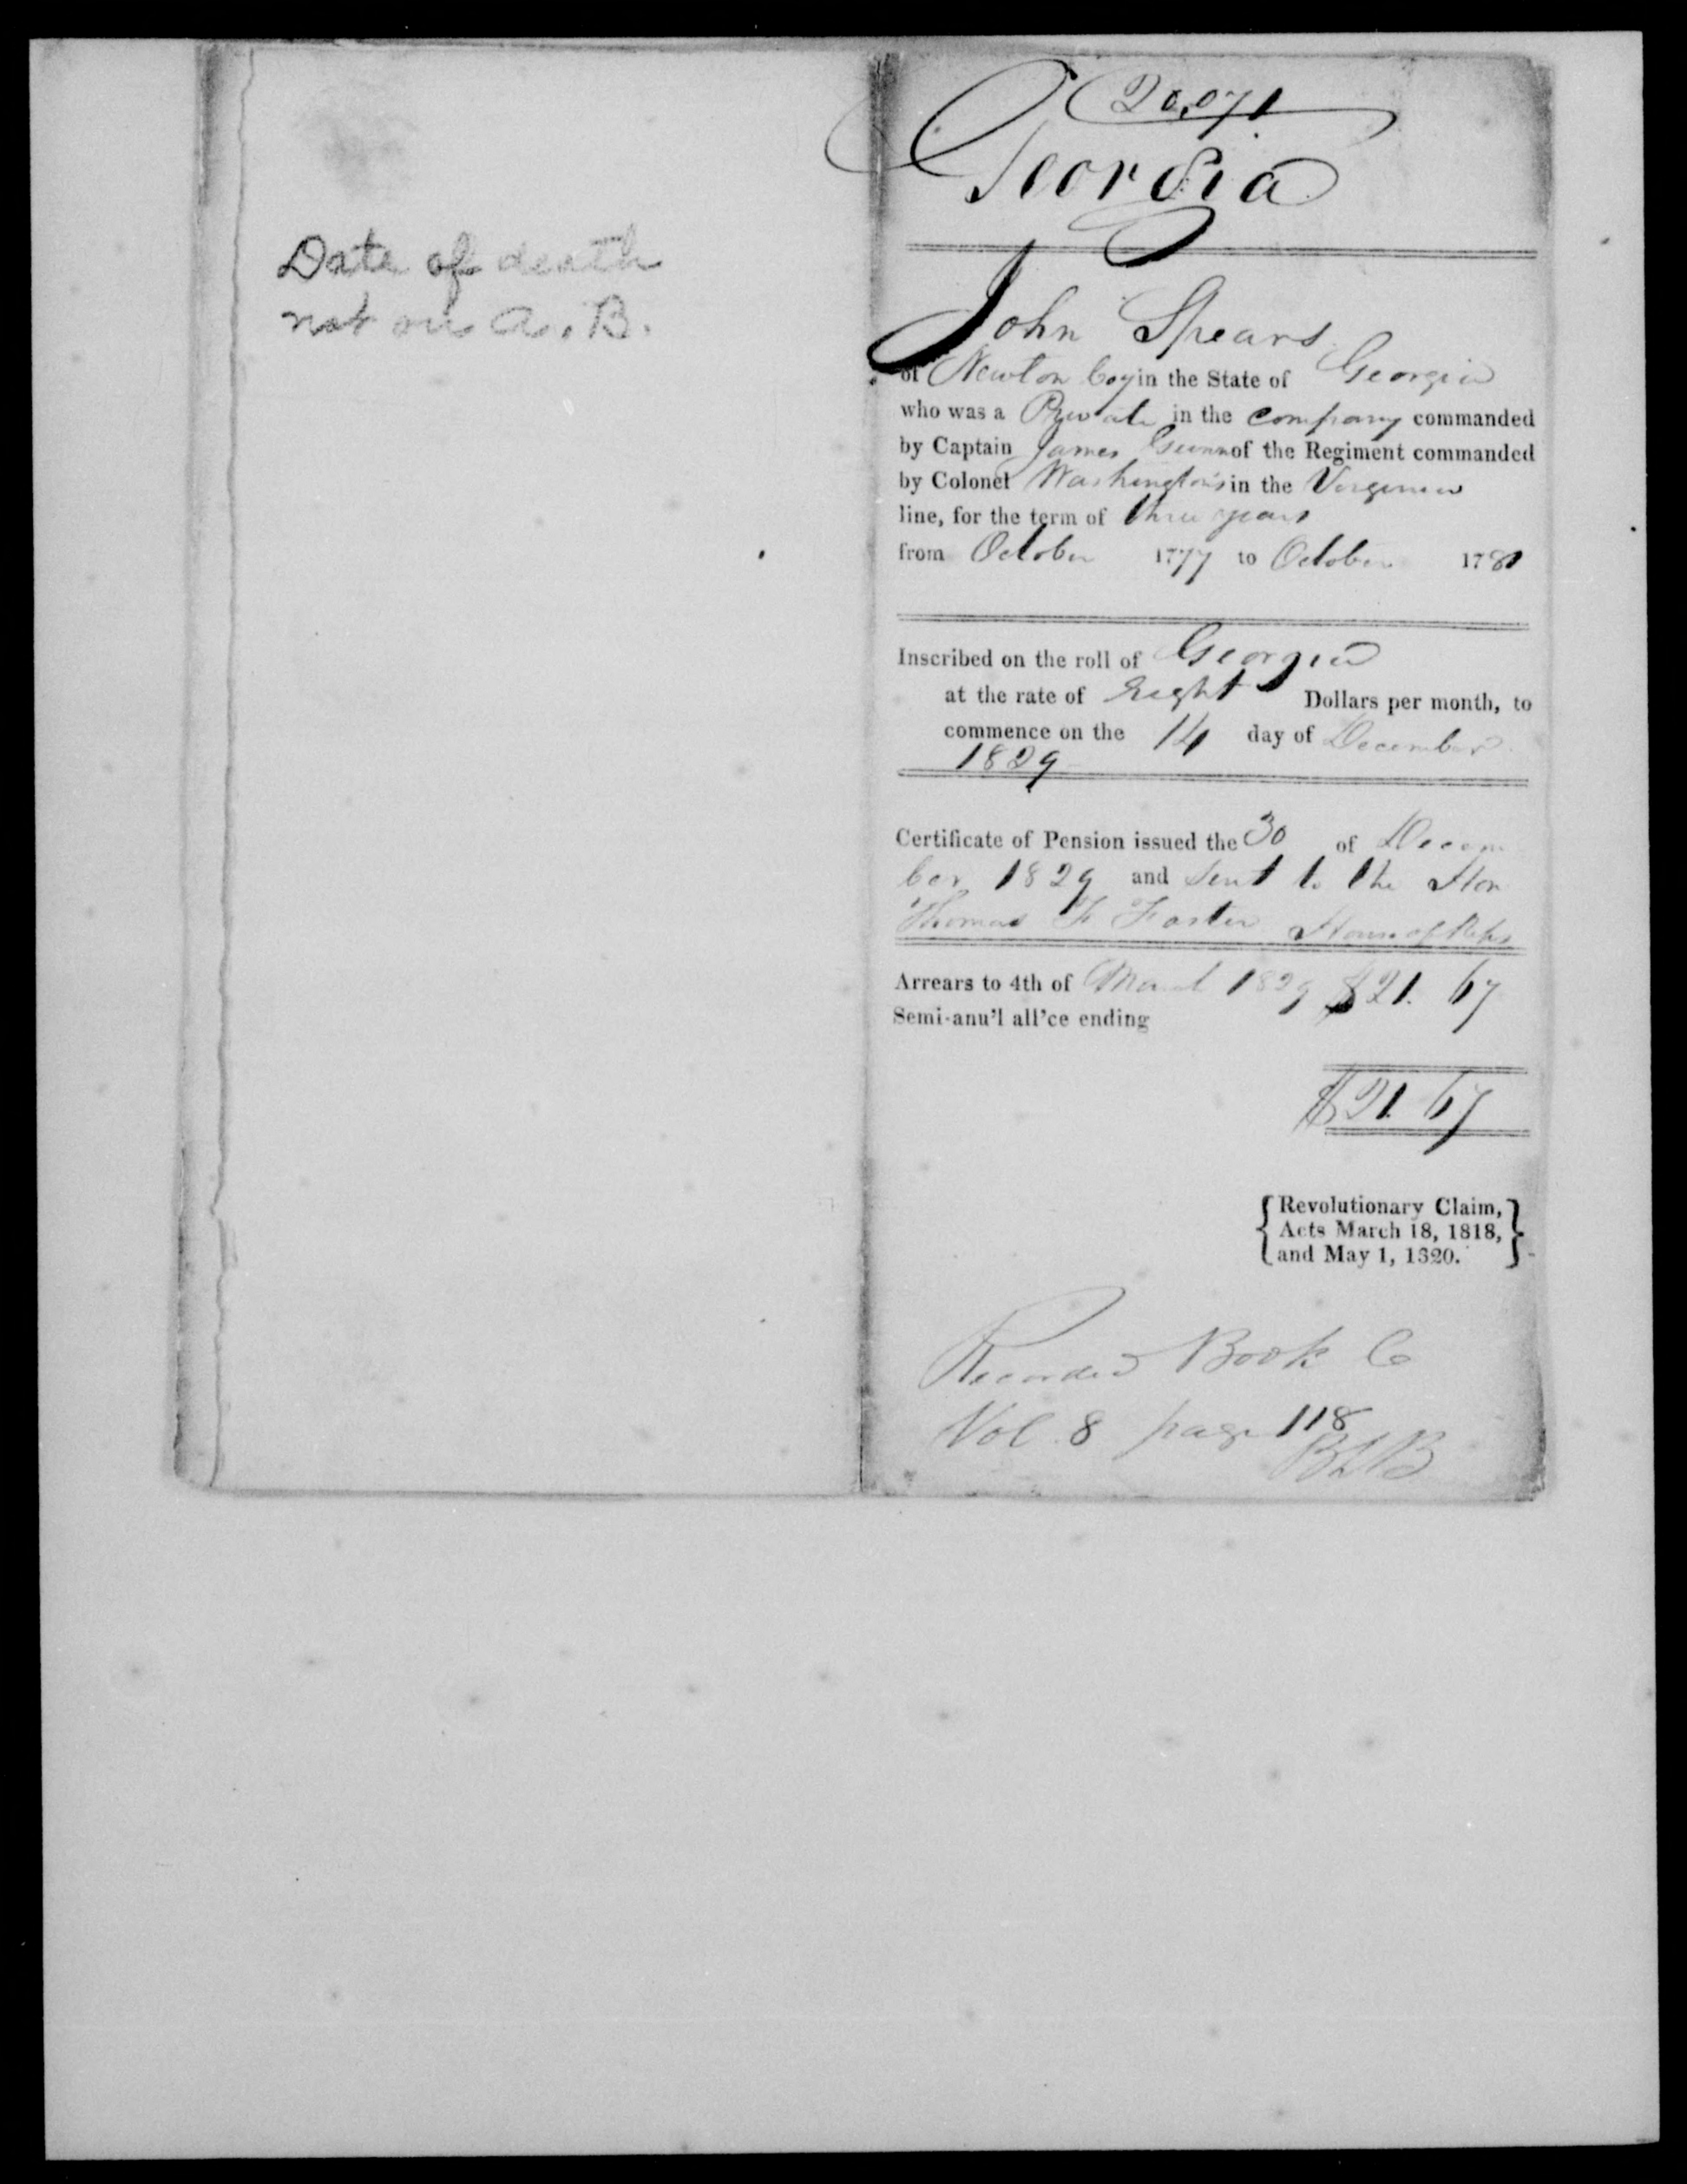[left hand page] 
Date of death not on A.B.

[right hand side]
20,071
Georgia
John Spears
of Newton Coy [County] in the State of Georgia
who was a Private in the Company commanded 
by Captain James Gunn of the Regiment commanded by Colonel [William] Washington's in the Virginia line, for the term of three years from 
October 1777 to October 1781

Inscribed on the roll of Georgia at the rate of Eight Dollars per month, to commence on the 14 day of December 1829

Certificate of Pension issued the 30 of December 1829 and Sent to the Hon. Thomas F. Foster House
 of Reps

Arrears to 4th of March 1829 $21.67
Semi-anu'l all'ce ending 
$21.67

{Revolutionary Claim, Acts March 18, 1818, and May 1, 1820}

Recored Book C Vol 8 page 118
BLB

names: James Gunn; Thomas F Foster; John Spears; [BLANK] Washington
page: 5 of 12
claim: survivor's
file: S. 39851, for John Spears, Virginia